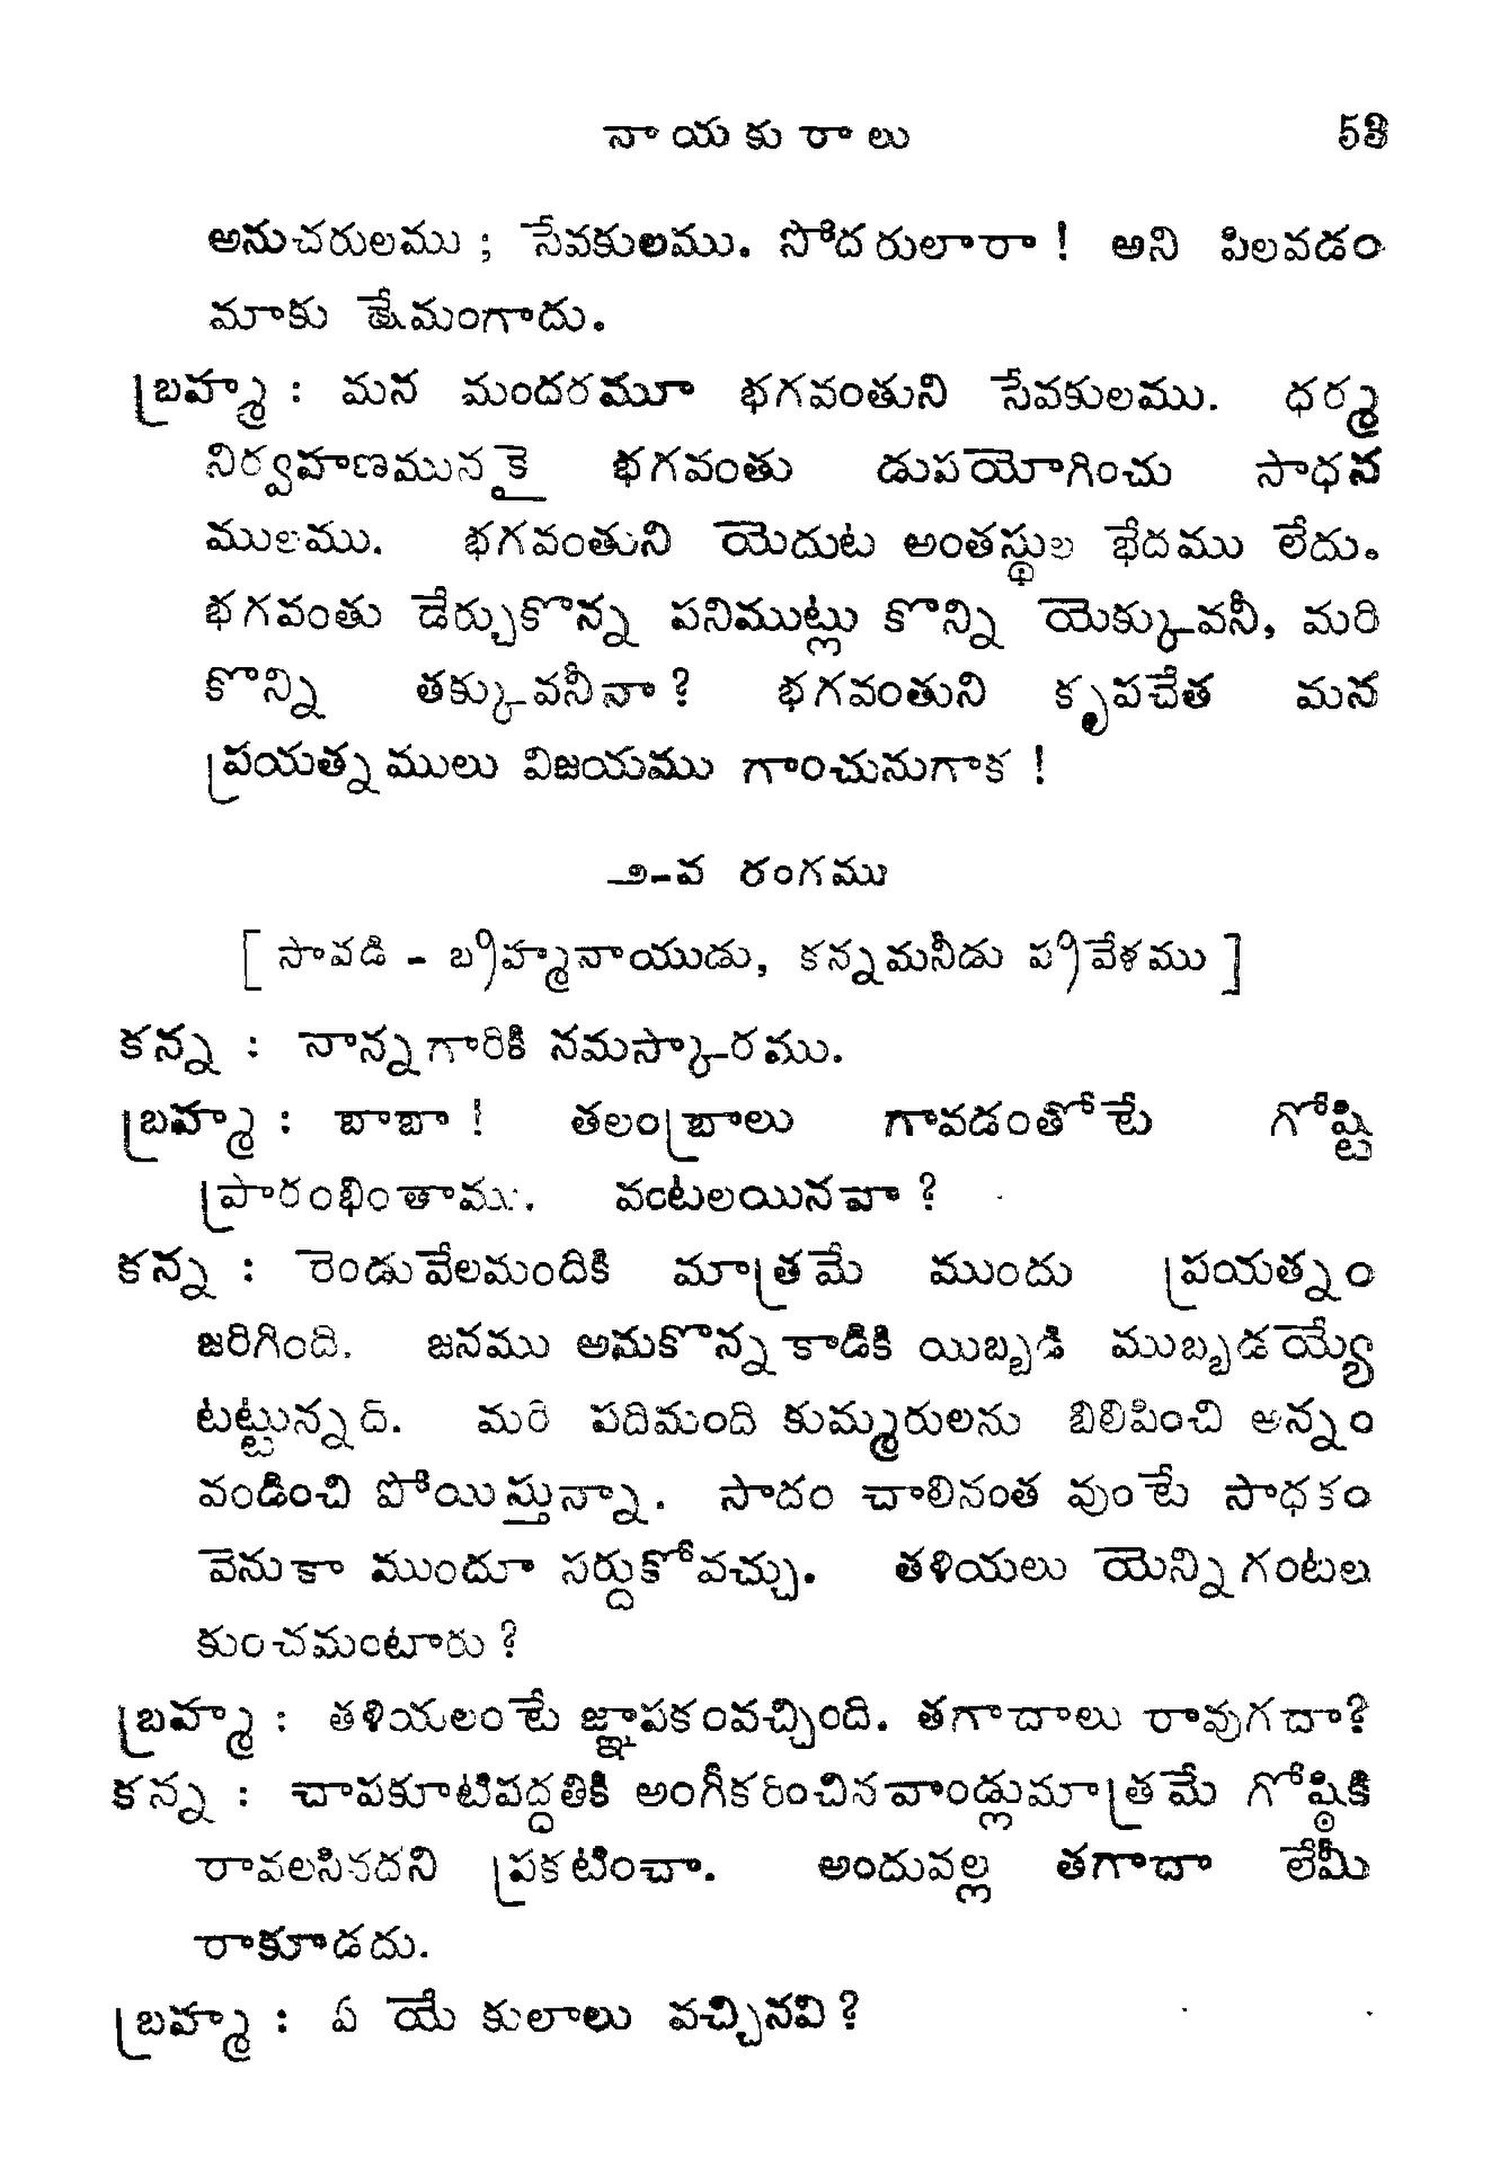అనుచరులము; సేవకులము. సోదరులారా ! అని పిలవడం మాకు క్షేమంగాదు.

బ్రహ్మ : మన మందరమూ భగవంతుని సేవకులము. ధర్మ నిర్వహణమునకై భగవంతు డుపయోగించు సాధనములము. భగవంతుని యెదుట అంతస్థుల భేదము లేదు. భగవంతు డేర్చుకొన్న పనిముట్లు కొన్ని యెక్కువనీ, మరికొన్ని తక్కువనీనా? భగవంతుని కృపచేత మన
ప్రయత్నములు విజయము గాంచునుగాక !

కన్న : నాన్నగారికి నమస్కారము.

బ్రహ్మ : బాబా! తలంబ్రాలు గావడంతోటే గోష్టి ప్రారంభింతాము. వంటలయినవా?

కన్న : రెండువేలమందికి మాత్రమే ముందు ప్రయత్నం జరిగింది. జనము అనుకొన్నకాడికి యిబ్బడి ముబ్బడయ్యేటట్టున్నది. మరి పదిమంది కుమ్మరులను బిలిపించి అన్నం వండించి పోయిస్తున్నా. సాదం చాలినంత వుంటే సాధకం వెనుకా ముందూ సర్దుకోవచ్చు. తళియలు యెన్ని గంటల
కుంచమంటారు?

బ్రహ్మ : తళియలంటే జ్ఞాపకంవచ్చింది. తగాదాలు రావుగదా?

కన్న : చాపకూటిపద్ధతికి అంగీకరించినవాండ్లుమాత్రమే గోష్ఠికి రావలసినదని ప్రకటించా.
అందువల్ల తగాదా లేమీ రాకూడదు.

బ్రహ్మ : ఏ యే కులాలు వచ్చినవి ?